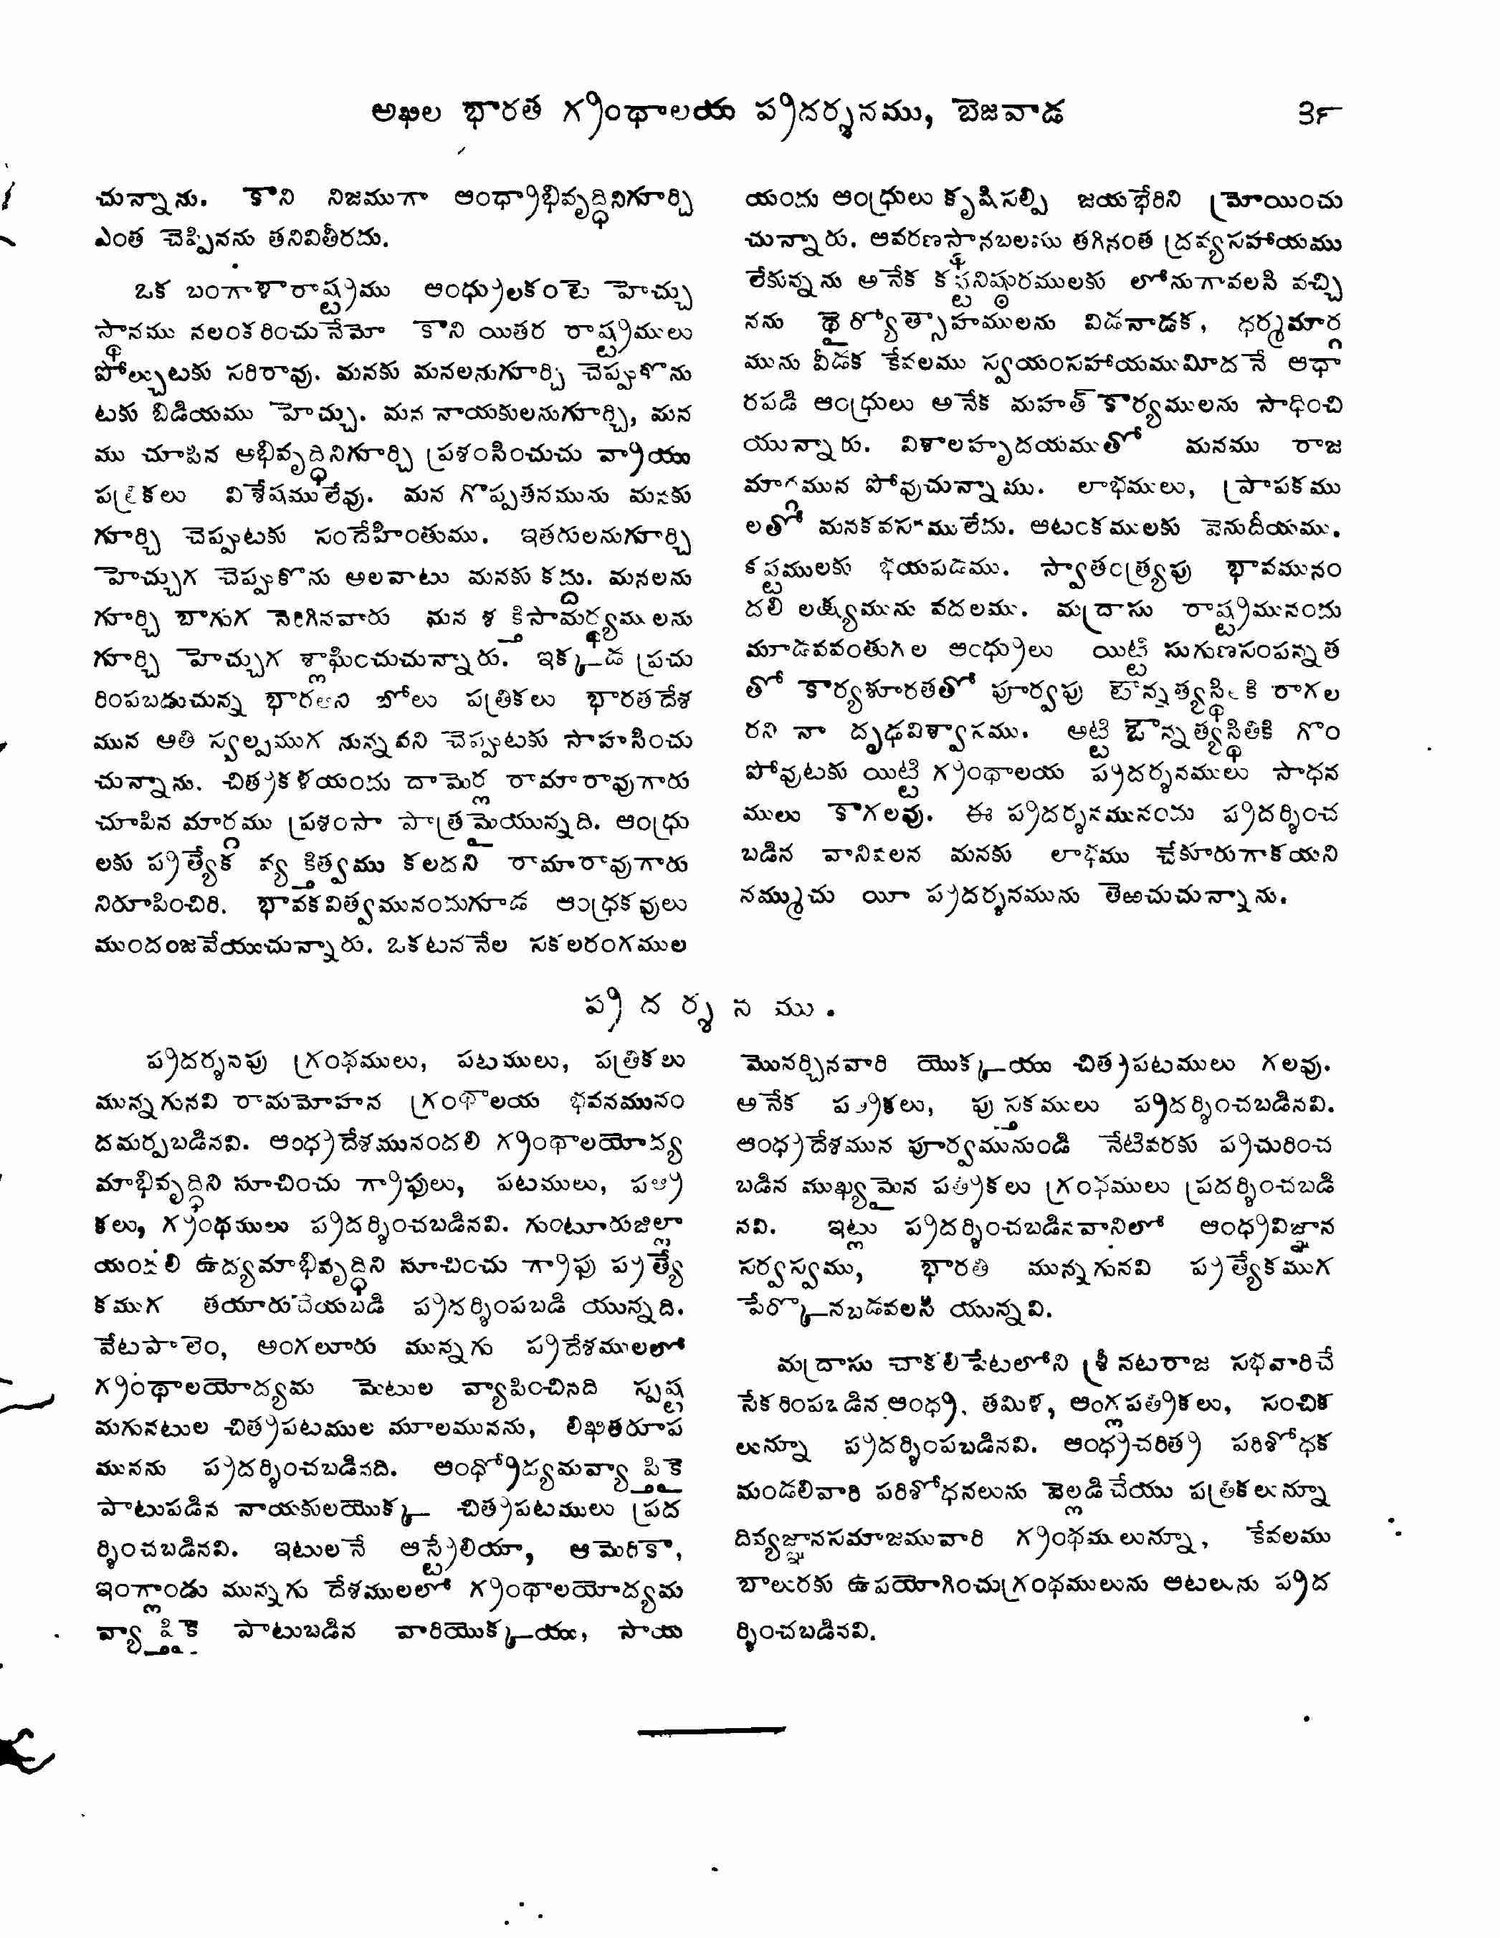చున్నాను. కాని నిజముగా ఆంధ్రాభివృద్ధినిగూర్చి ఎంత చెప్పినను తనివితీరదు.

ఒక బంగాళా రాష్ట్రము ఆంధ్రులకంటే హెచ్చు స్థానము నలంకరించు నేమో కాని యితర రాష్ట్రములు పోల్చుటకు సరిరావు. మనకు మనలనుగూర్చి చెప్పుకొనుటకు బిడియము హెచ్చు. మన నాయకులనుగూర్చి, మనము చూపిన అభివృద్ధినిగూర్చి ప్రశంసించుచు వ్రాయు పత్రికలు విశేషములేవు. మన గొప్పతనమును మనకుగూర్చి చెప్పుటకు సందేహింతుము. ఇతగులనుగూర్చి హెచ్చుగ చెప్పుకొను అలవాటు మనకు కద్దు. మనలను గూర్చి బాగుగ నెరిగినవారు మన శక్తి సామర్ఢ్యములను గూర్చి హెచ్చుగ శ్లాఘించుచున్నారు. ఇక్కడ ప్రచురింప బడుచున్న భారతిని బోలు పత్రికలు భారత దేశమున అతి స్వల్పముగ నున్నవని చెప్పుటకు సాహసించు చున్నాను. చిత్రకళయందు దామెర్ల రామారావుగారు చూపిన మార్గము ప్రశంసా పాత్రమైయున్నది. ఆంధ్రులకు ప్రత్యేక వ్యక్తిత్వము కలదని రామారావుగారు నిరూపించిరి. భావకవిత్వమునందుగూడ ఆంధ్రకవులు ముందంజవేయుచున్నారు. ఒకటన నేల సకలరంగముల యందు ఆంధ్రులు కృషిసల్పి జయభేరిని మ్రోయించు చున్నారు. ఆవరణస్థానబలను తగినంత ద్రవ్యసహాయము లేకున్నను అనేక కష్టనిష్టురములకు లోనుగావలని వచ్చినను ధైర్యోత్సాహములను విడనాడక, ధర్మమార్గమును వీడక కేవలము స్వయంసహాయము మీదనే ఆధారపడి ఆంధ్రులు అనేక మహత్ కార్యములను సాధించి యున్నారు. విశాలహృదయముతో మనము రాజ మార్గమున పోవు చున్నాము. లాభములు, ప్రాపకములతో మనకవసరములేదు. ఆటఁకములకు వెనుదీయము, కష్టములకు భయపడము. స్వాతంత్య్రపు భావమునందలి లక్ష్యమును వదలము. మద్రాసు రాష్ట్రమునందు మూడవవంతుగల ఆంధ్రులు యిట్టి సుగుణసంపన్నతతో కార్యశూరతతో పూర్వపు ఔన్నత్యస్థిఁకి రాగలరని నా దృఢవిశ్వాసము. అట్టి ఔన్నత్యస్థితికి గొంపోవుటకు యిట్టి గ్రంథాలయ ప్రదర్శనములు సాధనములు కాగలవు. ఈ ప్రదర్శనమునందు ప్రదర్శించతో ప్రదర్షించబడిన ప్రదర్శించ బడిన వానివలన మనకు లాభము చేకూరుగాకయని నమ్ముచు యీ ప్రదర్శనమును తెఱచుచున్నాను. 

ప్రదర్శనపు గ్రంథములు, పటములు, పత్రికలు మున్నగునవి రామమోహన గ్రంథాలయ భవనమునందమర్పబడినవి. ఆంధ్ర దేశమునందలి గ్రంథాలయోద్యమాభివృద్ధిని సూచించు గ్రాఫులు, పటములు, పత్రికలు, గ్రంథములు ప్రదర్శించబడినవి. గుంటూరు జిల్లా యందలి ఉద్యమాభివృద్ధిని సూచించు గ్రాఫు ప్రత్యేకముగ తయారుచేయబడి ప్రదర్శింపబడి యున్నది. వేటపాలెం, అంగలూరు మున్నగు ప్రదేశములలో గ్రంథాలయోద్యమ మెటుల వ్యాపించింది స్పష్టమగునటుల చిత్రపటముల మూలమునను, లిఖితరూపమునను ప్రదర్శించబడినది. ఆంధ్రోద్యమవ్యాప్తికై పాటుపడిన నాయకులయొక్క చిత్రపటములు ప్రదర్శించబడినవి. ఇటులనే ఆస్ట్రేలియా, ఆమెరికా, ఇంగ్లాండు మున్నగు దేశములలో గ్రంథాలయోద్యమవ్యాప్తికై పాటుబడిన వారియొక్కయు, సాయమొనర్చినవారి యొక్కయు చిత్రపటములు గలవు. అనేక పత్రికలు, పుస్తకములు ప్రదర్శించబడినవి. ఆంధ్ర దేశమున పూర్వమునుండి నేటివరకు ప్రచురించబడిన ముఖ్యమైన పత్రికలు గ్రంధములు ప్రదర్శించబడినవి. ఇట్లు ప్రదర్శించబడినవానిలో ఆంధ్రవిజ్ఞాన భారతి మున్నగునవి ప్రత్యేకముగ
పేర్కొనబడవలసి యున్నవి.

మద్రాసు చాకలి పేటలోని శ్రీ నటరాజ సభవారిచే సేకరింపబడిన ఆంధ్ర, తమిళ, ఆంగ్ల పత్రికలు, సంచికలున్నూ ప్రదర్శింపబడినవి. ఆంధ్ర చరిత్ర పరిశోధక మండలివారి పరిశోధనలును వెల్లడి చేయు పత్రికలున్నూ దివ్యజ్ఞాన సమాజము వారి గ్రంధములున్నూ, కేవలము
బాలురకు ఉపయోగించుగ్రంథములును ఆటలును ప్రదర్పించబడినవి.